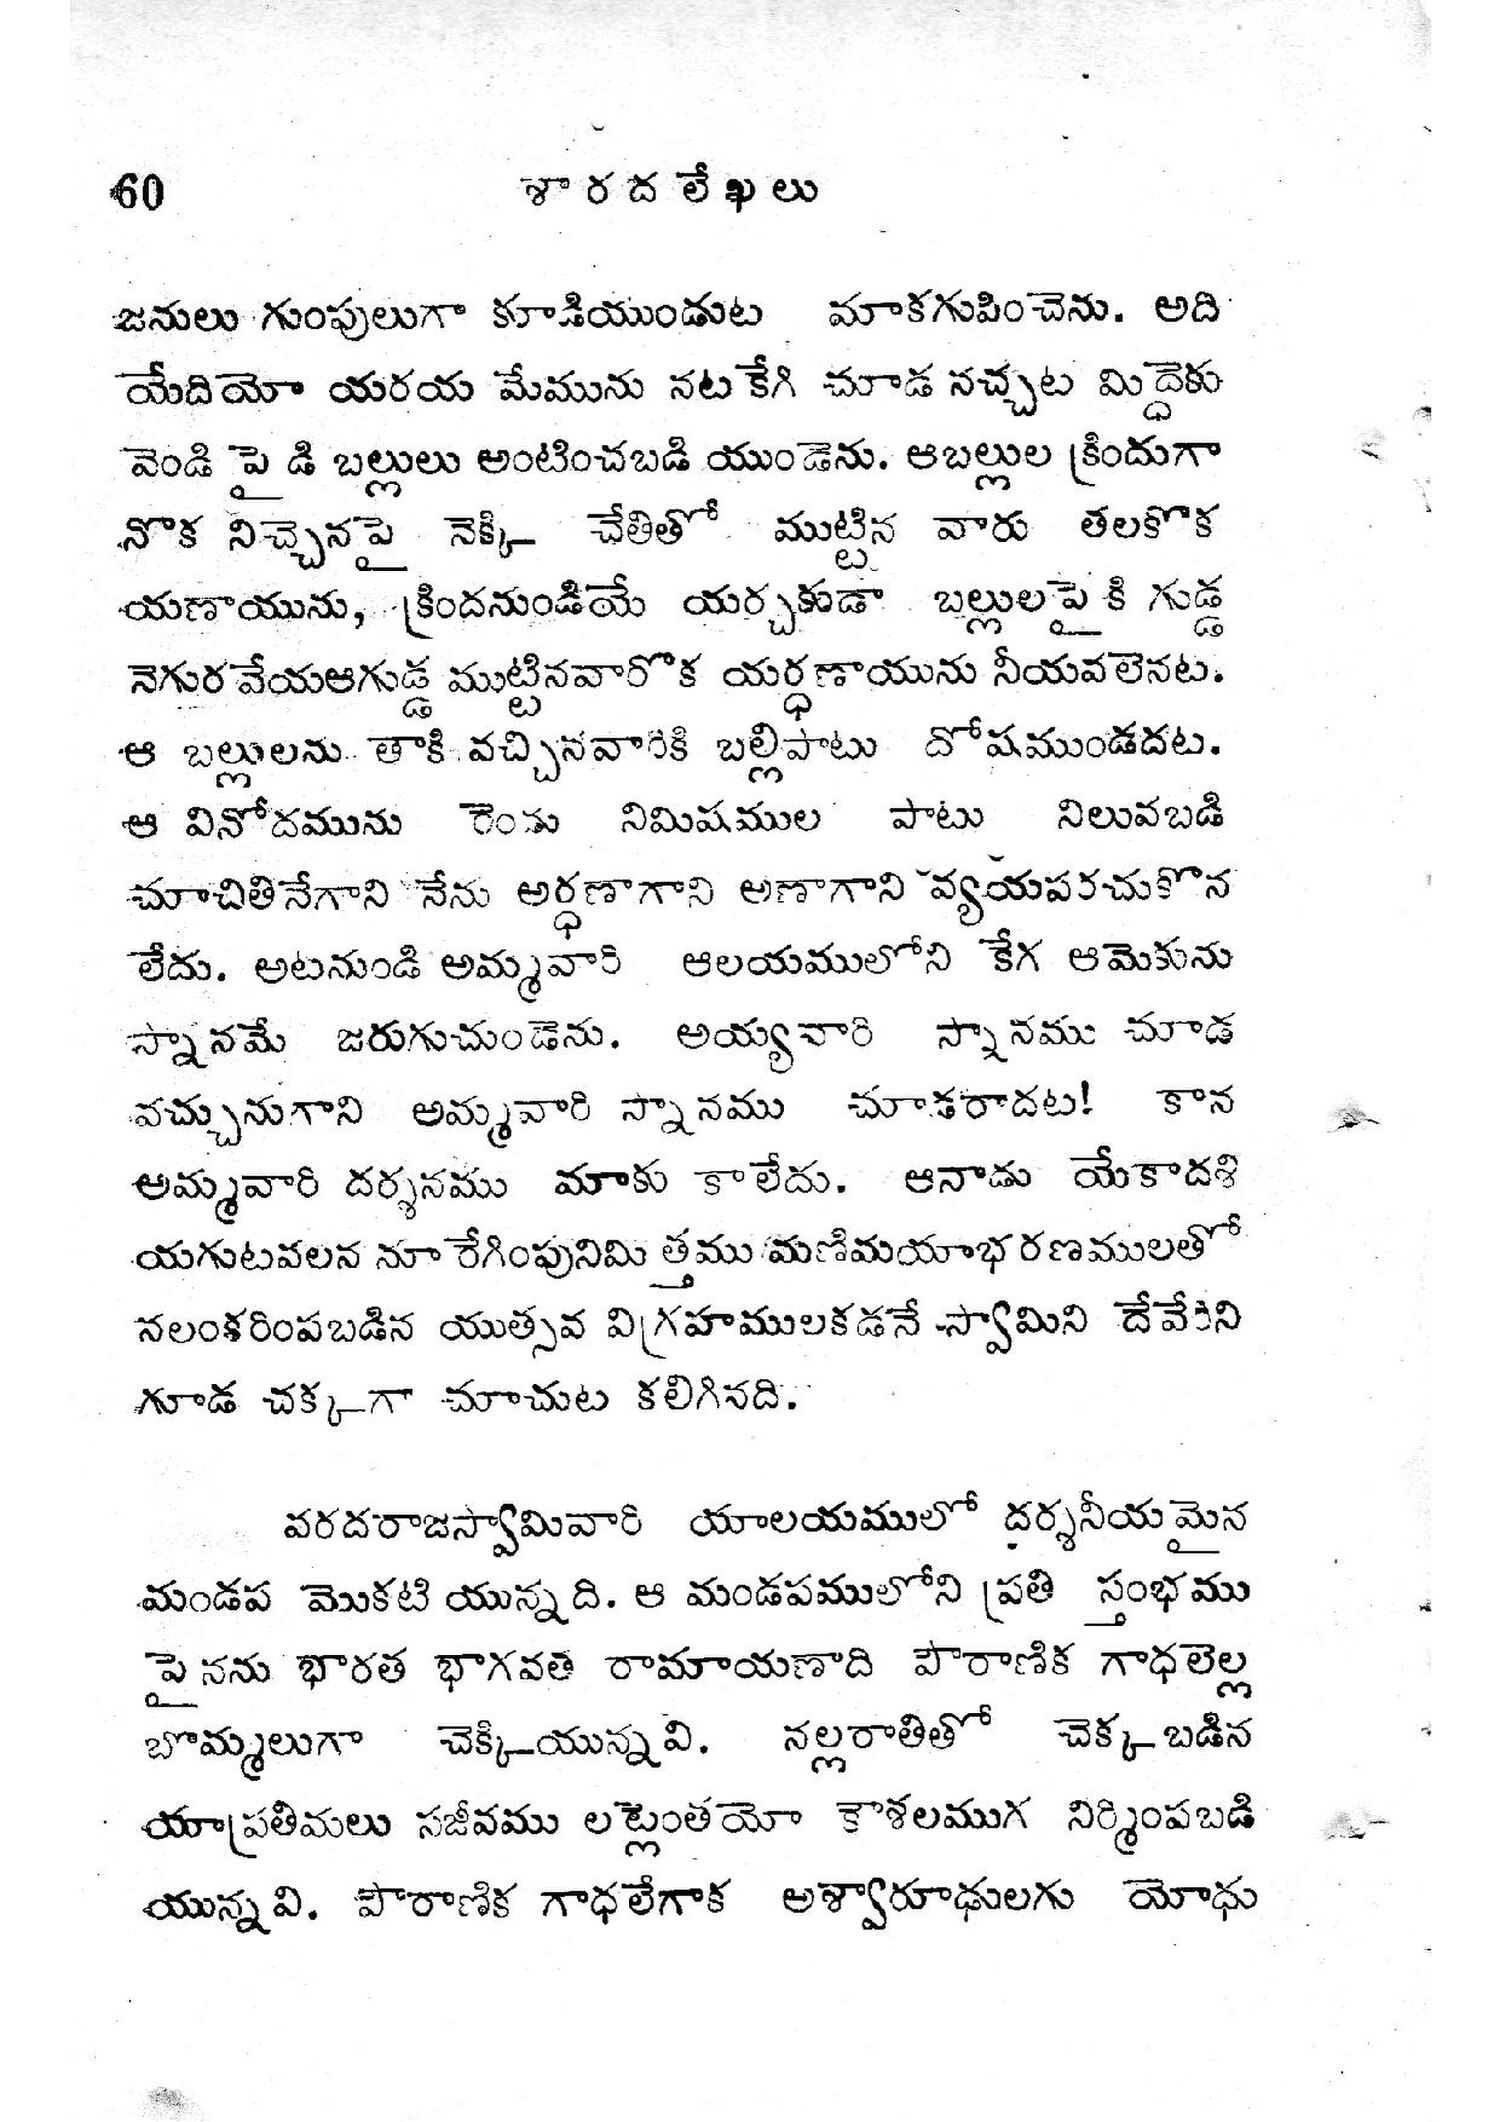జనులు గుంపులుగా కూడియుండుట మాకగుపించెను. అది యేదియో యరయ మేమును నటకేగి చూడ నచ్చట మిద్దెకు వెండి పైడి బల్లులు అంటించబడి యుండెను. ఆబల్లుల క్రిందుగా నొక నిచ్చెనపై నెక్కి చేతితో ముట్టిన వారు తలకొక యణాయును, క్రిందనుండియే యర్చకుడా బల్లులపైకి గుడ్డ నెగురవేయ ఆగుడ్డ ముట్టినవారొక యర్ధణాయును నీయవలెనట. ఆ బల్లులను తాకి వచ్చినవారికి బల్లిపాటు 
దోషముండదట. ఆ వినోదమును రెండు నిమిషముల పాటు నిలువబడి చూచితినేగాని నేను అర్ధణాగాని అణాగాని వ్యయపరచుకొనలేదు. అటనుండి అమ్మవారి ఆలయములోని కేగ ఆమెకును స్నానమే జరుగుచుండెను. అయ్యవారి స్నానము చూడవచ్చునుగాని అమ్మవారి స్నానము చూడరాదట! కాన 
అమ్మవారి దర్శనము మాకు కాలేదు. ఆనాడు యేకాదశి యగుటవలన నూరేగింపునిమిత్తము మణిమయాభరణములతో నలంకరింపబడిన యుత్సవ విగ్రహములకడనే స్వామిని దేవేరిని గూడ చక్కగా చూచుట కలిగినది.

వరదరాజస్వామివారి యాలయములో దర్శనీయమైన మండప మొకటి యున్నది. ఆ మండపములోని ప్రతి స్తంభముపైనను భారత భాగవత రామాయణాది పౌరాణిక గాధలెల్ల బొమ్మలుగా చెక్కియున్నవి. నల్లరాతితో చెక్కబడిన యాప్రతిమలు సజీవము లట్లెంతయో కౌశలముగ నిర్మింపబడి యున్నవి. పౌరాణిక గాధలేగాక అశ్వారూఢులగు యోధు